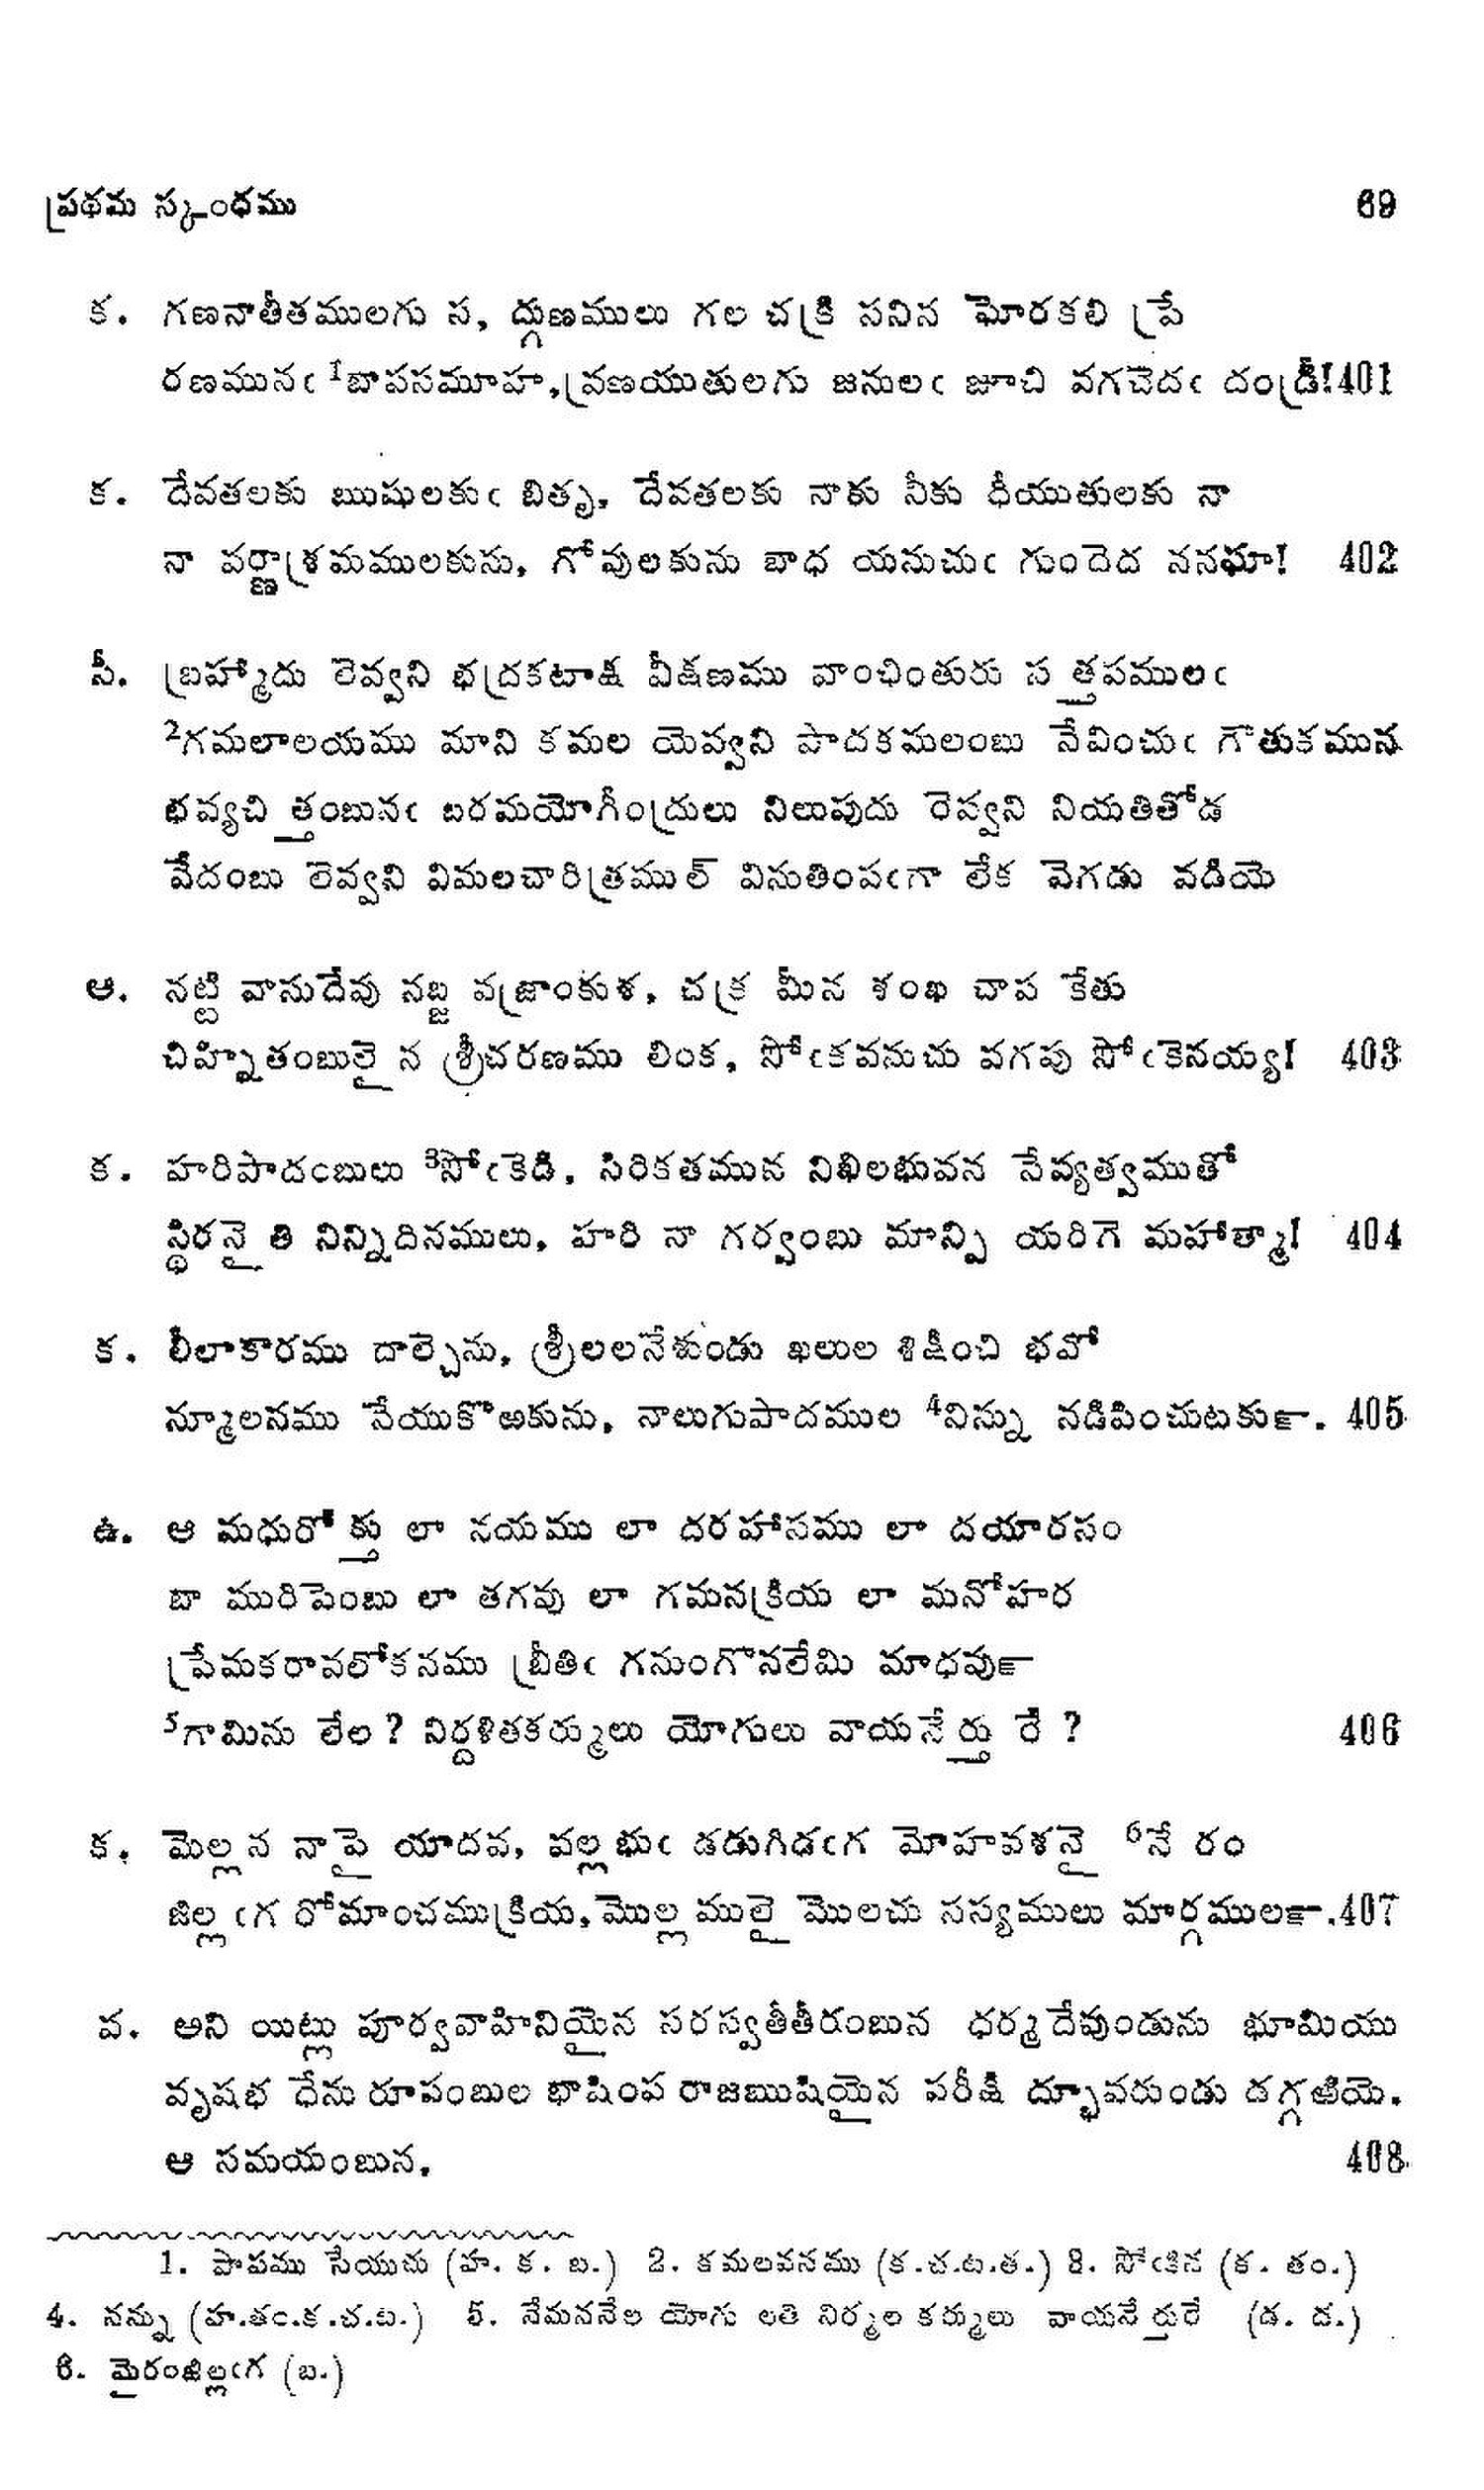69

క.గణనాతీతములగు స, ద్గుణములు గల చక్రి సనిన ఘోరకలి ప్రే

రణమునఁ బాపసమూహ, వ్రణయుతులగు జనులఁ జూచి వగచెదఁ దండ్రీ ! (401)

క. దేవతలకు ఋషులకువ్ బితృ, దేవతలకు నాకు నీకు ధీయుతులకు నా
నా వర్ణాశ్రమములకును, గోవులకును బాధ యనుచుఁ గుందెద ననఘా ! (402)

సీ. బహ్మాదు లెవ్వని భద్రకటాక్ష వీక్షణము వాంఛింతురు సత్తపములఁ 

గమలాలయను మాని కమల యెవ్వని పాదకమలంబు సేవించుఁ గౌతుకమున

భవ్యచిత్తంబునఁ బరమయోగీంద్రులు నిలుపుదు రెవ్వని నియతితోడ

వేదంబు లెవ్వని విమలచారిత్రముల్ వినుతింపఁగా లేక వెగడు వడియె

ఆ. నట్టి వాసుదేవు నబ్జ వజ్రాంకుశ, చక్ర మీన శంఖ చాప కేతు

చిహ్నతంబులైన శ్రీచరణము లింక, సోఁకవనుచు వగపు సోఁకెనయ్య ! (403)

క. హరిపాదంబులు సోఁకెడి, సిరికతమున నిఖిలభవన సేవ్యత్వముతో

స్థిరనైతి నిన్నిదినములు, హరి నా గ్ర్వంబు మాన్పి యరిగె మహాత్మా ! (404)

క. లీలకారము దాల్చెను, శ్రీలలనేశుండు ఖలుల శిక్షించి భవో

న్మాలనము సేయుకొఱకును, నాలుగుపాదముల నిన్ను నడిపించుటకున్. (405)

ఉ. ఆ మధురోక్తు లా నయము లా దరహాసము లా దయారసం

బా మురిపెంబు లా తగవు లా హమనక్రియ లా మనోహర

ప్రేమకరావలోకనము బ్రీతిఁ గనుంగొనలేమి మాధవున్

గామిను లేల ? నిర్దశితకర్ములు యోగులు వాయనేర్తు రే ? (406)

క. మెల్లన నాపై యాదవ, వల్లభుఁ డడుగిడఁగ మోహవశనై నె రం

జిల్లఁ గ రోమాంచముక్రియ, మొల్ల ములై మొలచు సస్యములు మార్గములన్. (407)

వ. అని యిట్లు పూర్వవాహినియైన సరస్వతితీరంబున ధర్మదేవుండును భూమియు వృషభ ధేను రూపంబుల భాషింప రాజఋషియైన పరీక్షి ద్భూవరుండు డగ్గఱియె, ఆ సమయంబున, (408)